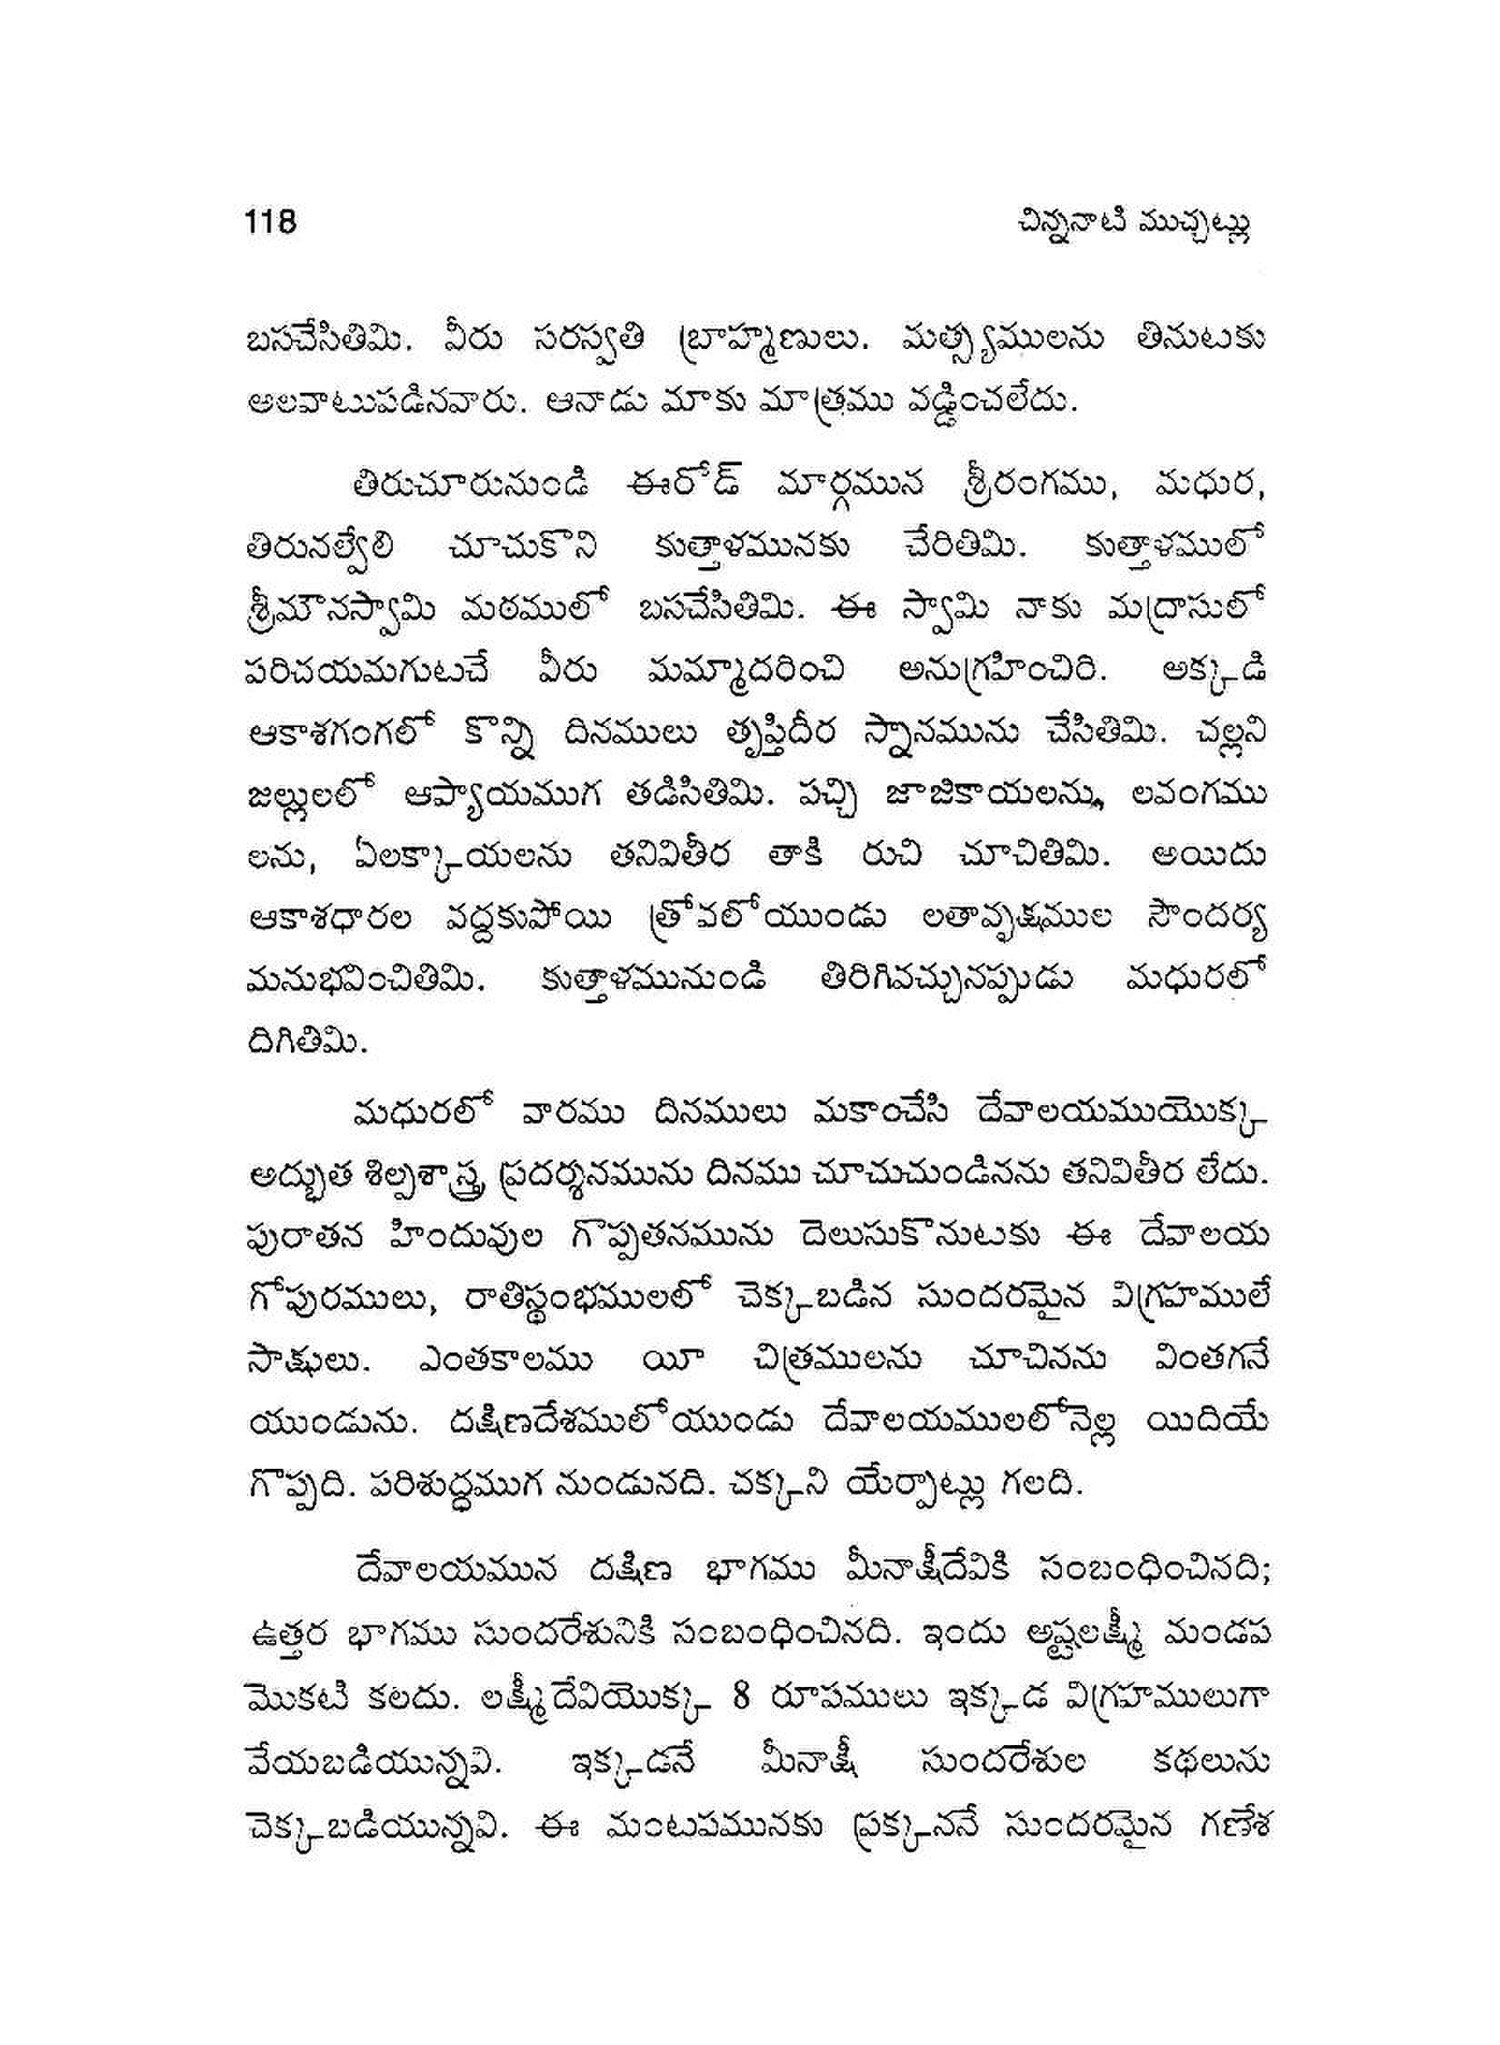బసచేసితిమి. వీరు సరస్వతి బ్రాహ్మణులు. మత్స్యములను తినుటకు అలవాటుపడినవారు. ఆనాడు మాకు మాత్రము వడ్డించలేదు.

తిరుచూరునుండి ఈరోడ్ మార్గమున శ్రీరంగము, మధుర, తిరునల్వేలి చూచుకొని కుత్తాళమునకు చేరితిమి. కుత్తాళములో శ్రీమౌనస్వామి మఠములో బసచేసితిమి. ఈ స్వామి నాకు మద్రాసులో పరిచయమగుటచే వీరు మమ్మాదరించి అనుగ్రహించిరి. అక్కడి ఆకాశగంగలో కొన్ని దినములు తృప్తిదీర స్నానమును చేసితిమి. చల్లని జల్లులలో ఆప్యాయముగ తడిసితిమి. పచ్చి జాజికాయలను, లవంగములను, ఏలక్కాయలను తనివితీర తాకి రుచి చూచితిమి. అయిదు ఆకాశధారల వద్దకుపోయి త్రోవలోయుండు లతావృక్షముల సౌందర్య మనుభవించితిమి. కుత్తాళమునుండి తిరిగివచ్చునప్పడు మధురలో దిగితిమి.

మధురలో వారము దినములు మకాంచేసి దేవాలయముయొక్క అద్భుత శిల్పశాస్త్ర ప్రదర్శనమును దినము చూచుచుండినను తనివితీర లేదు. పురాతన హిందువుల గొప్పతనమును దెలుసుకొనుటకు ఈ దేవాలయ గోపురములు, రాతిస్థంభములలో చెక్కబడిన సుందరమైన విగ్రహములే సాక్షులు. ఎంతకాలము యీ చిత్రములను చూచినను వింతగనే యుండును. దక్షిణదేశములోయుండు దేవాలయములలోనెల్ల యిదియే గొప్పది. పరిశుద్ధముగ నుండునది. చక్కని యేర్పాట్లు గలది.

దేవాలయమున దక్షిణ భాగము మీనాక్షీదేవికి సంబంధించినది; ఉత్తర భాగము సుందరేశునికి సంబంధించినది. ఇందు అష్టలక్ష్మీ మండప మొకటి కలదు. లక్ష్మీదేవియొక్క 8 రూపములు ఇక్కడ విగ్రహములుగా వేయబడియున్నవి. ఇక్కడనే మీనాక్షీ సుందరేశుల కథలును చెక్కబడియున్నవి. ఈ మంటపమునకు ప్రక్కననే సుందరమైన గణేశ